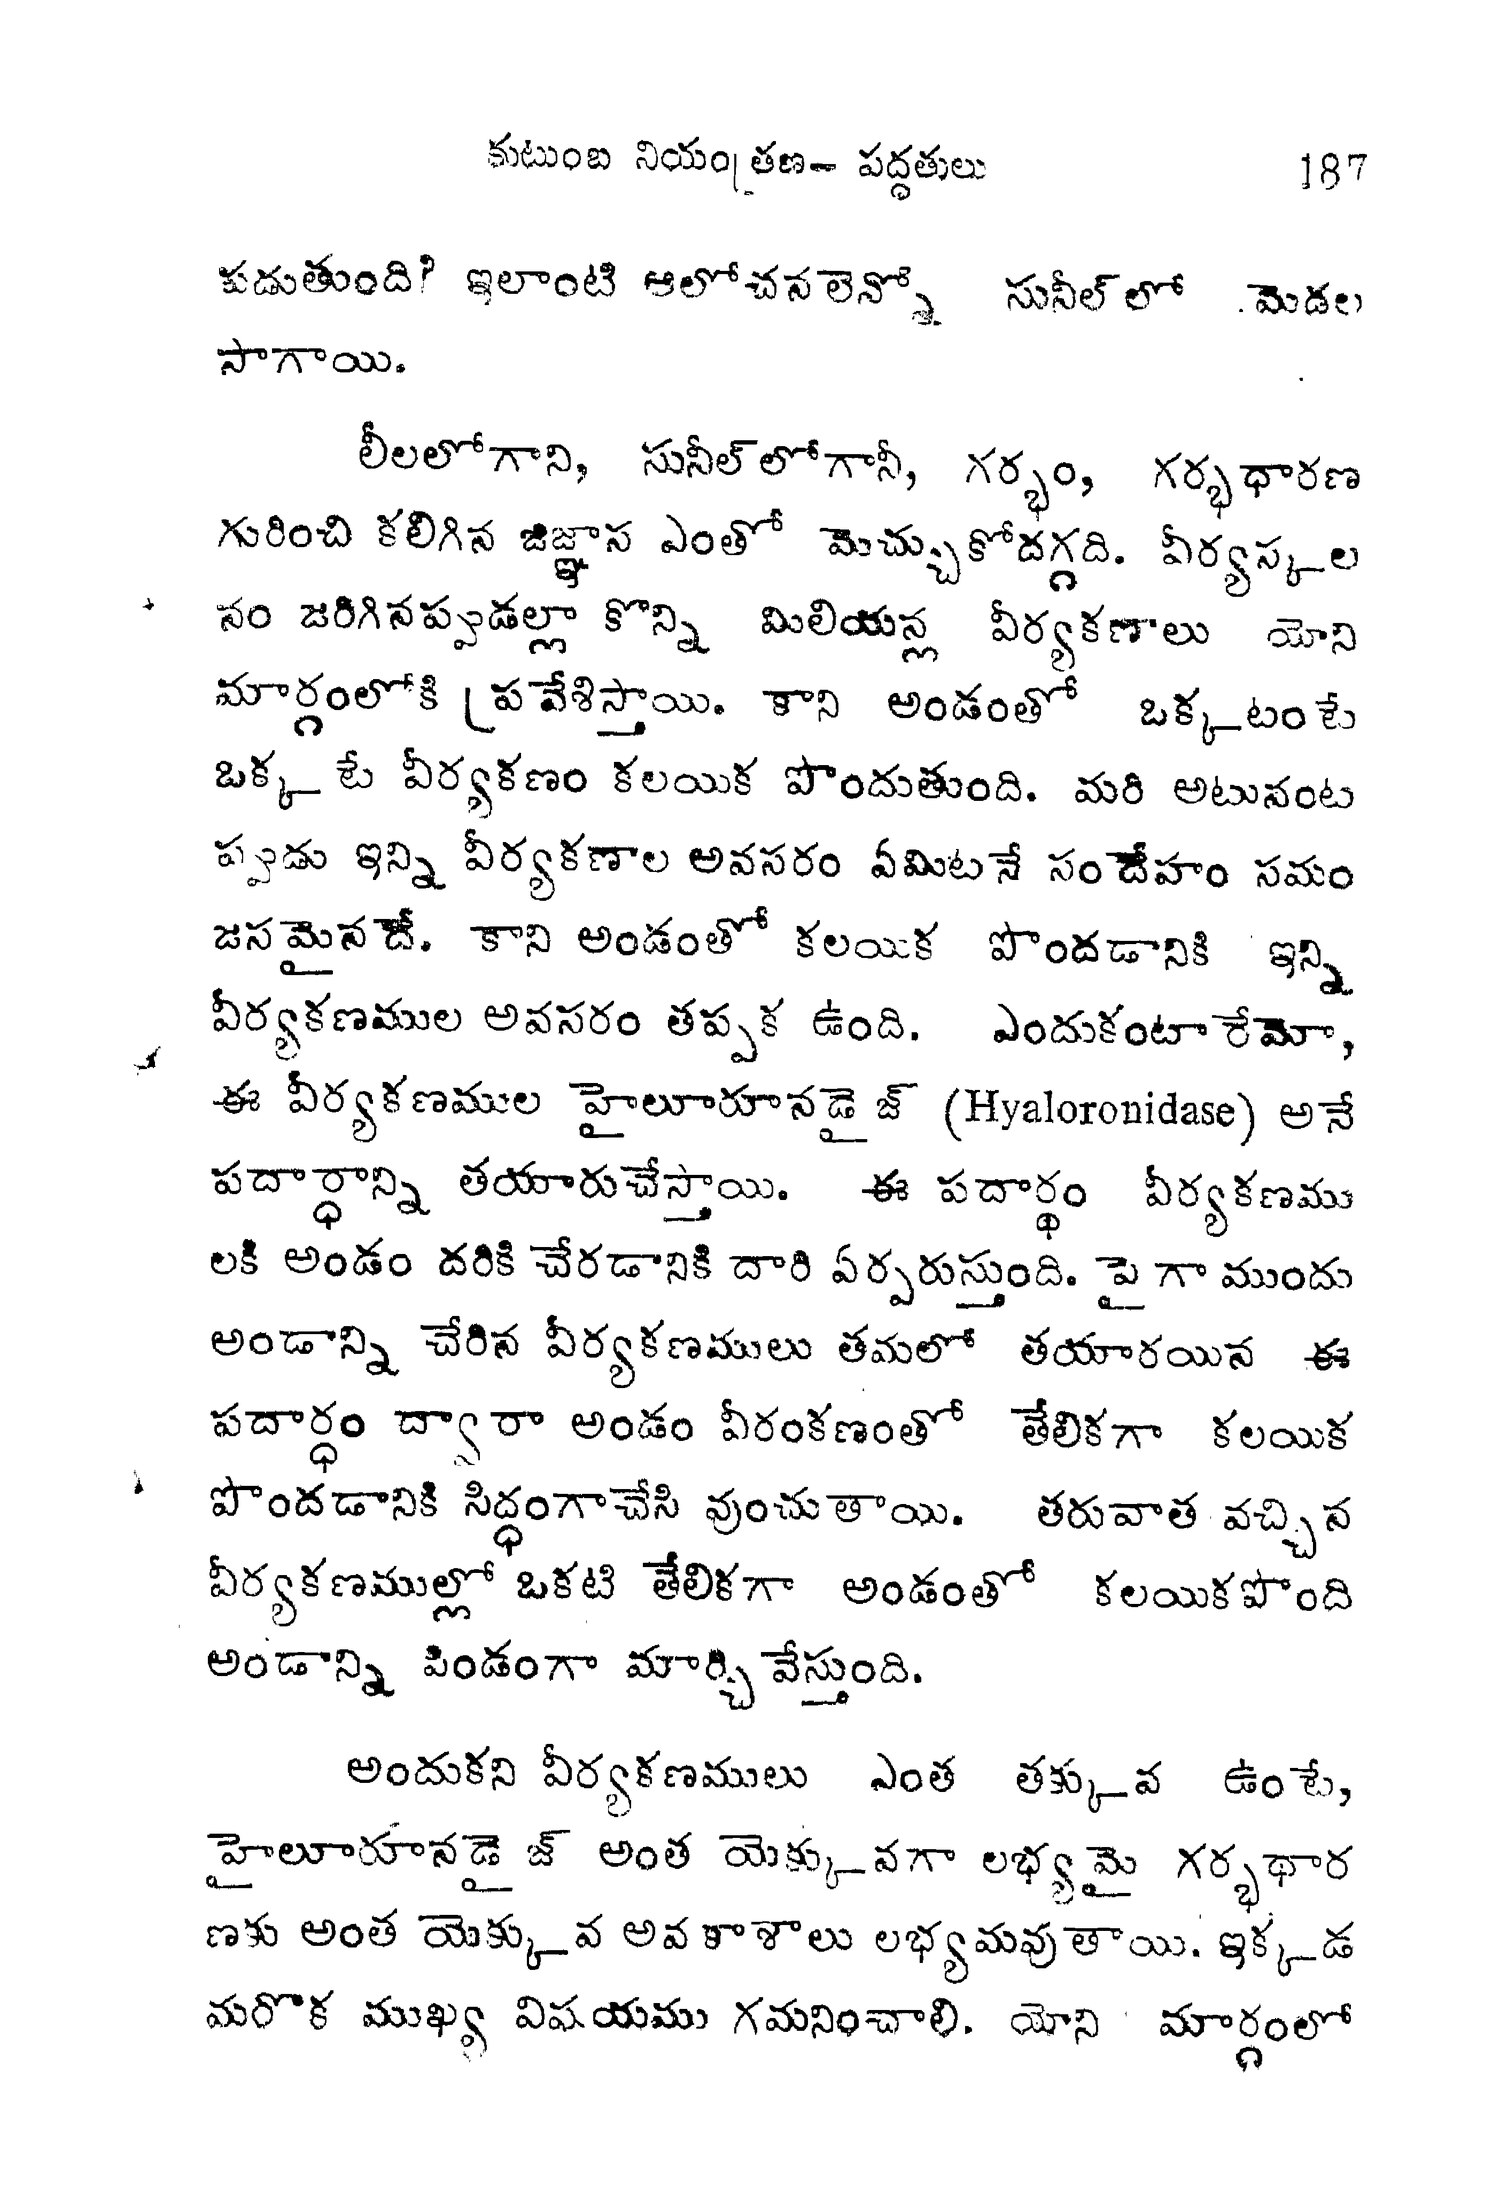పడుతుంది? ఇలాంటి ఆలోచనలెన్నో సునీల్‌లో మెదలసాగాయి.

లీలలోగాని, సునీల్‌లోగానీ, గర్భం, గర్భధారణ గురించి కలిగిన జిజ్ఞాస ఎంతో మెచ్చుకోదగ్గది. వీర్యస్కలనం జరిగినప్పుడల్లా కొన్ని మిలియన్ల వీర్యకణాలు యోని మార్గంలోకి ప్రవేశిస్తాయి. కాని అండంతో ఒక్కటంటే ఒక్కటే వీర్యకణం కలయిక పొందుతుంది. మరి అటువంటప్పుడు ఇన్ని వీర్యకణాల అవసరం ఏమిటనే సందేహం సమంజసమైనదే. కాని అండంతో కలయిక పొందడానికి ఇన్ని వీర్యకణముల అవసరం తప్పక ఉంది. ఎందుకంటారేమో, ఈ వీర్యకణముల హైలూరూనడైజ్ (Hyaloronidase) అనే పదార్ధాన్ని తయారుచేస్తాయి. ఈ పదార్ధం వీర్యకణములకి అండం దరికి చేరడానికి దారి ఏర్పరుస్తుంది. పైగా ముందు అండాన్ని చేరిన వీర్యకణములు తమలో తయారయిన ఈ పదార్ధం ద్వారా అండం వీర్యకణంతో తేలికగా కలయిక పొందడానికి సిద్ధంగాచేసి వుంచుతాయి. తరువాత వచ్చిన వీర్యకణముల్లో ఒకటి తేలికగా అండంతో కలయికపొంది అండాన్ని పిండంగా మార్చివేస్తుంది.

అందుకని వీర్యకణములు ఎంత తక్కువ ఉంటే, హైలూరూనడైజ్ అంత యెక్కువగా లభ్యమై గర్భధారణకు అంత యెక్కువ అవకాశాలు లభ్యమవుతాయి. ఇక్కడ మరొక విషయము గమనించాలి. యోని మార్గంలో-